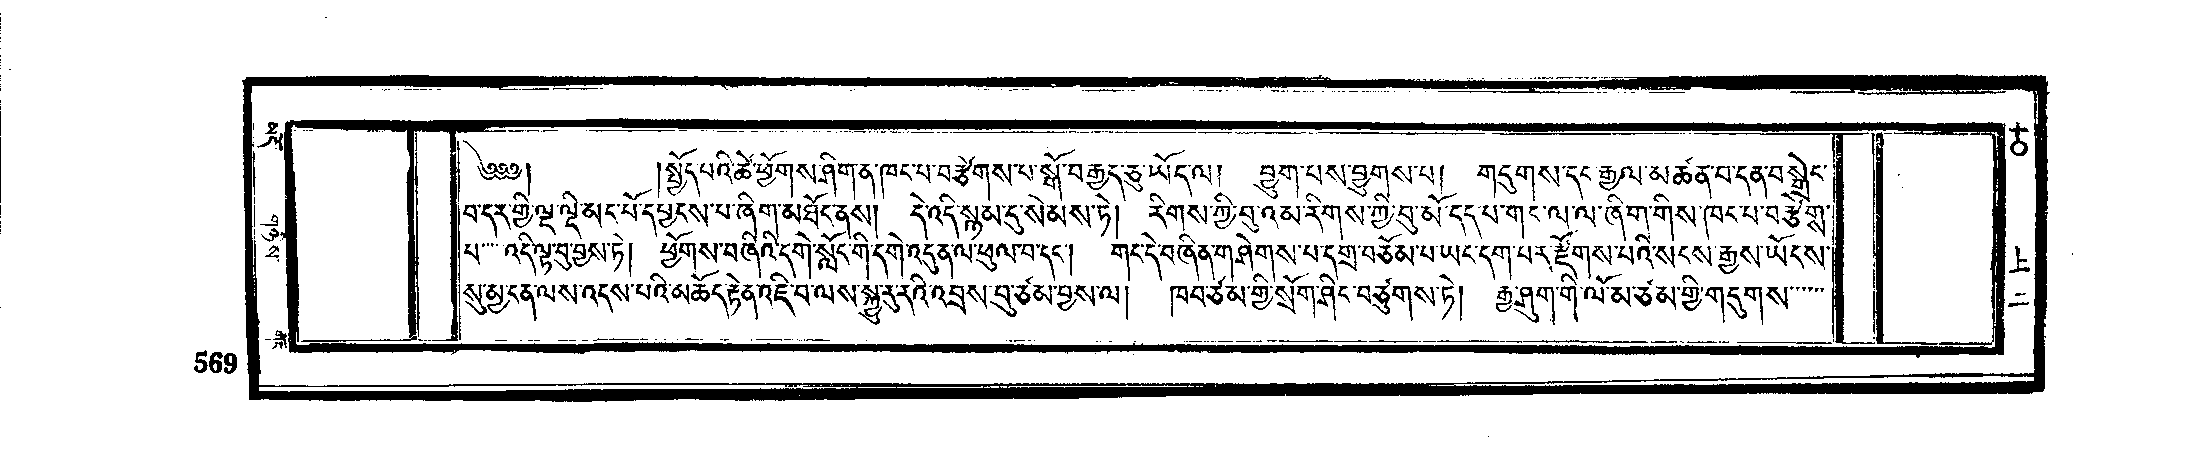༄༅༅། །སྤྱོད་པའི་ཚེ་ཕྱོགས་ཤིག་ན་ཁང་པ་བརྩེགས་པ་སྒོ་བརྒྱད་ཅུ་ཡོད་ལ། བྱུག་པས་བྱུགས་པ། གདུགས་དང་རྒྱལ་མཚན་པ་དན་བསྒྲེང་
བ་དར་གྱི་ལྔ་ལྡི་མང་པོ་དཔྱངས་པ་ཞིག་མཐོང་ནས། དེ་འདི་སྙམ་དུ་སེམས་ཏེ། རིགས་ཀྱི་བུ་འམ་རིགས་ཀྱི་བུ་མོ་དད་པ་གང་ལ་ལ་ཞིག་གིས་ཁང་པ་བརྩེགས་
པ་འདི་ལྟ་བུ་བྱས་ཏེ། ཕྱོགས་བཞིའི་དགེ་སློང་གི་དགེ་འདུན་ལ་ཕུལ་བ་དང་། གང་དེ་བཞིན་གཤེགས་པ་དགྲ་བཅོམ་པ་ཡང་དག་པར་རྫོགས་པའི་སངས་རྒྱས་ཡོངས་
སུ་མྱ་ངན་ལས་འདས་པའི་མཆོད་རྟེན་འཇི་བ་ལས་སྐྱུ་རུ་རའི་འབྲས་བུ་ཙམ་བྱས་ལ། ཁབ་ཙམ་གྱི་སྲོག་ཤིང་བཙུགས་ཏེ། རྒྱ་ཤུག་གི་ལོ་མ་ཙམ་གྱི་གདུགས་